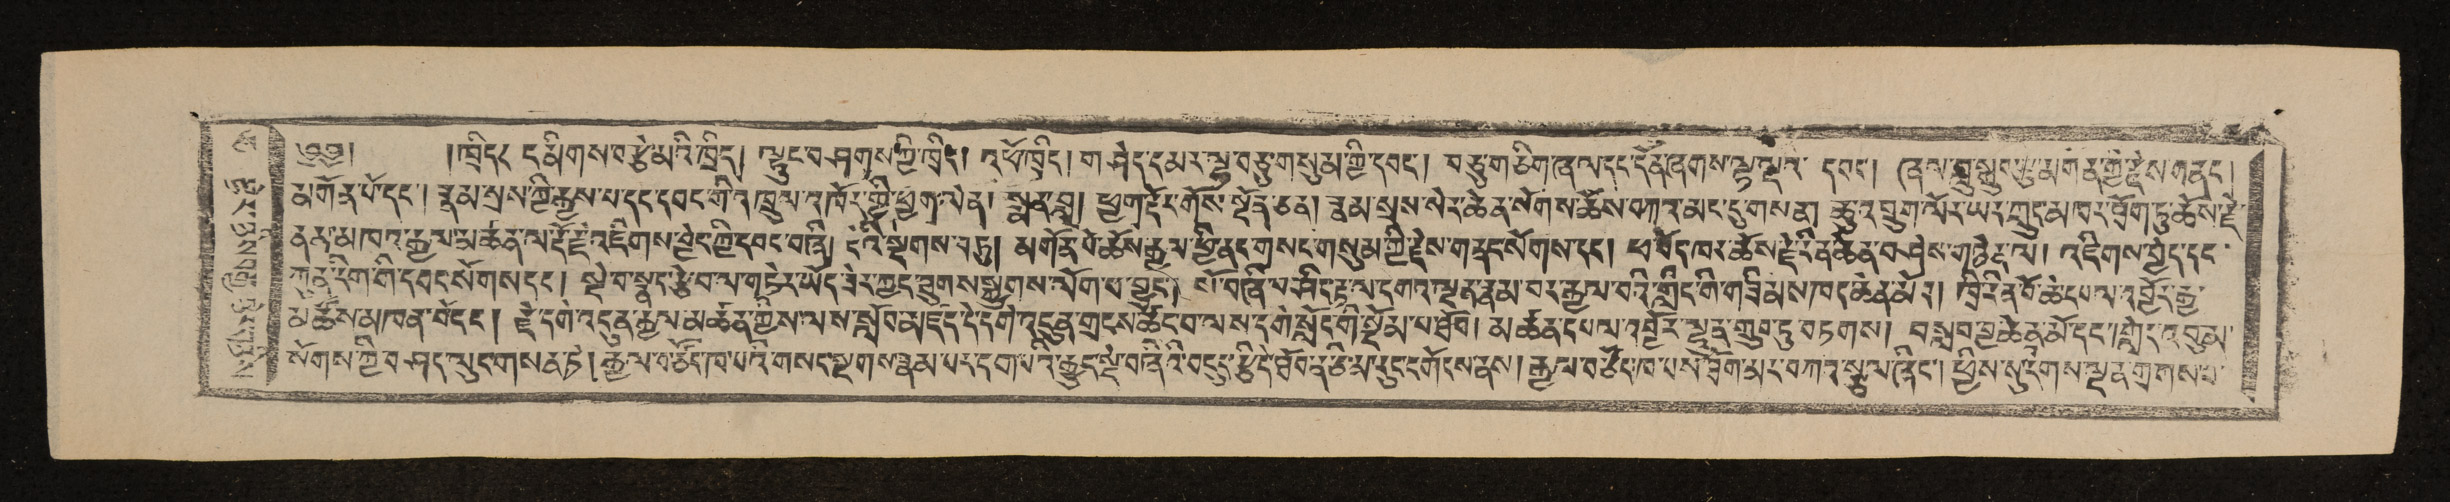༄༅། །ཁྲིད༑ དམིགས་བརྩེ་མའི་ཁྲིད། ལྟུང་བཤགས་ཀྱི་ཁྲིད། འཕོ་ཁྲིད། གཤེད་དམར་ལྷ་བཅུ་གསུམ་གྱི་དབང་། བཅུ་གཅིག་ཞལ་དང་དོན་ཞགས་ལྷ་ལྔའི་དབང་། ཞལ་ཀླུ་སྒྲུབ་རྩ་མགོན་གྱི་རྗེས་གནང་།
མགོན་པོ་དང་། རྣམ་སྲས་ཀྱི་རྒྱས་པ་དང་དབང་གི་འཁྲུལ་འཁོར་གྱི་ཕྱག་ལེན། སྨན་བླ། ཕྱག་རྡོར་གོས་སྔོན་ཅན། རྣམ་སྲས་སེར་ཆེན་སོགས་ཆོས་བཀའ་མང་དུ་གསན། ཆུ་འབྲུག་ལོར་ཡར་ཀླུང་མཁར་ཐོག་ཏུ་ཆོས་རྗེ་
ནམ་མཁའ་རྒྱལ་མཚན་ལ་རྡོ་རྗེ་འཇིགས་བྱེད་ཀྱི་དབང་བཞི། དེའི་སྔགས་བཏུ། མགོན་པོ་ཆོས་རྒྱལ་ཕྱི་ནང་གསང་གསུམ་གྱི་རྗེས་གནང་སོགས་དང་། ཕ་བོང་ཁར་ཆོས་རྗེ་རིན་ཆེན་བཤེས་གཉེན་ལ། འཇིགས་བྱེད་དང་
ཀུན་རིག་གི་དབང་སོགས་དང་། སྡེ་བ་སྣང་རྩེ་བ་ལ་གཏེར་ཡོད་ཟེར་ཀྱང་ཐུགས་སྐྱུགས་ལོག་པ་བྱུང་། སོ་བཞི་པ་ཤིང་རྟ་ལ་དགའ་ལྡན་རྣམ་པར་རྒྱལ་བའི་གླིང་གི་གཟིམས་ཁང་ཆེན་མོར། ཁྲི་རིན་པོ་ཆེ་དཔལ་འབྱོར་རྒྱ་
མཚོས་མཁན་པོ་དང་། རྗེ་དགེ་འདུན་རྒྱལ་མཚན་གྱིས་ལས་སློབ་མཛད་དེ་དགེ་འདུན་གྲངས་ཚང་བ་ལས་དགེ་སློང་གི་སྡོམ་པ་ཐོབ། མཚན་དཔལ་འབྱོར་ལྷུན་གྲུབ་ཏུ་བཏགས། བསླབ་བྱ་ཆེན་མོ་དང་། གླེང་འབུམ་
སོགས་ཀྱི་བཤད་ལུང་གསན་ཏེ། རྒྱལ་བ་ཙོང་ཁ་པའི་གསང་སྔགས་རྣམ་པར་དག་པའི་རྒྱུད་སྡེ་བཞིའི་བདུད་རྩི་དེ་ཐོབ་ན་ཅི་མ་རུང་དགོངས་ནས། རྒྱལ་བ་ཙོང་ཁ་པས་ཐོག་མར་བཀའ་སྩལ་ཞིང་། ཕྱིས་སུ་རིགས་ལྡན་གྲགས་བ་